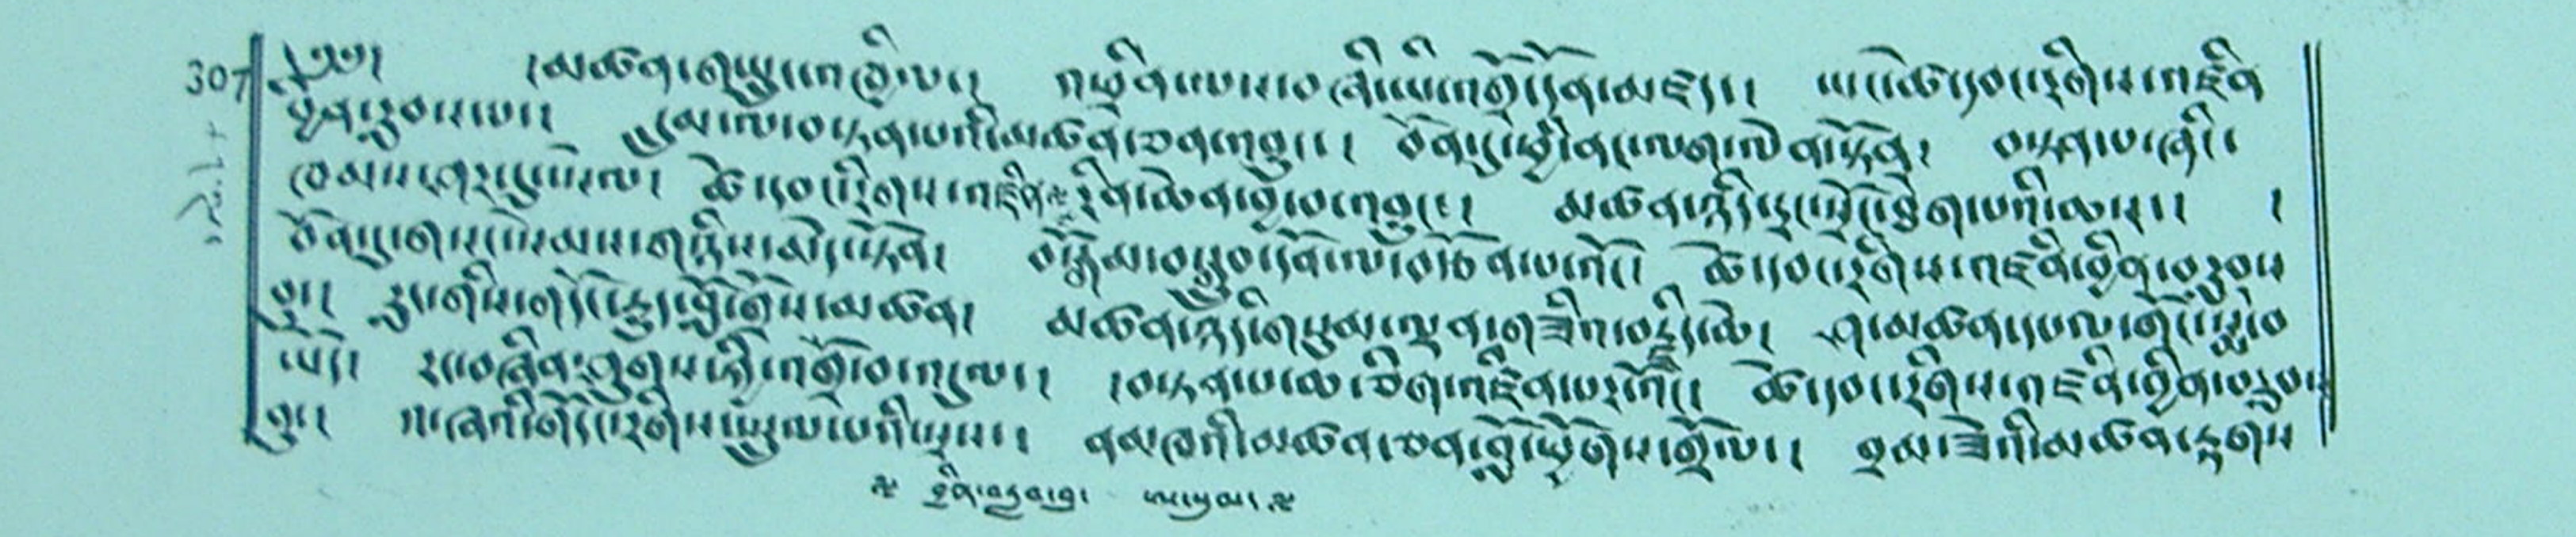༄༅། །མཚན་གཡུང་དྲུང་འཁྱིལ། འཕྲིན་ལས་བཞི་ཡིས་འགྲོ་དོན་མཛད། ཡང་ཚེ་དབང་རིགས་འཛིན་
བྱིན་རླབས་ལས། དྲུམ་ལ་བསྟན་པའི་མཚན་ཅན་འབྱུང་། བོན་དུ་ཕྱི་ནང་ལག་ལེན་སྟོན། བསྟན་པ་ཞིང་
ཁམས་ཤར་དུ་སྤེལ། ཚེ་དབང་རིགས་འཛིན་བྱིན་རླབས་བུ། ཨ་སུམ་རིན་ཆེན་བྱ་བ་འབྱུང་། མཚན་ཉིད་དྲང་སྲོང་ཐེག་པའི་ཆོས། 
བོན་དུ་གསང་གསུམ་གཉིས་མེད་སྟོན། སྒོམ་སྒྲུབ་དོན་ལ་བརྩོན་པ་འོང་། ཚེ་དབང་རིགས་འཛིན་བྱིན་རླབས་
བུ། རླུང་གི་གདོང་རྒྱུད་བློ་གྲོས་མཚན། མཚན་ཉིད་གསུམ་ལྡན་གཟི་བརྗིད་ཆེ། ཤ་མཚན་དཔལ་གོང་སྨེ་བ་
ཡོད། རང་བཞིན་ཤུགས་ཀྱིས་འགྲོ་བ་འདུལ། བསྟན་པ་ཆ་གཅིག་འཛིན་པ་འོང་། ཚེ་དབང་རིགས་འཛིན་བྱིན་རླབས་
བུ། འ་ཞའི་གདོང་རིགས་སྤྲུལ་པའི་སྲས། ནམ་མཁའི་མཚན་ཅན་བློ་ཕྱོགས་གྲོལ། བྲམ་ཟེའི་མཚན་རྟགས་